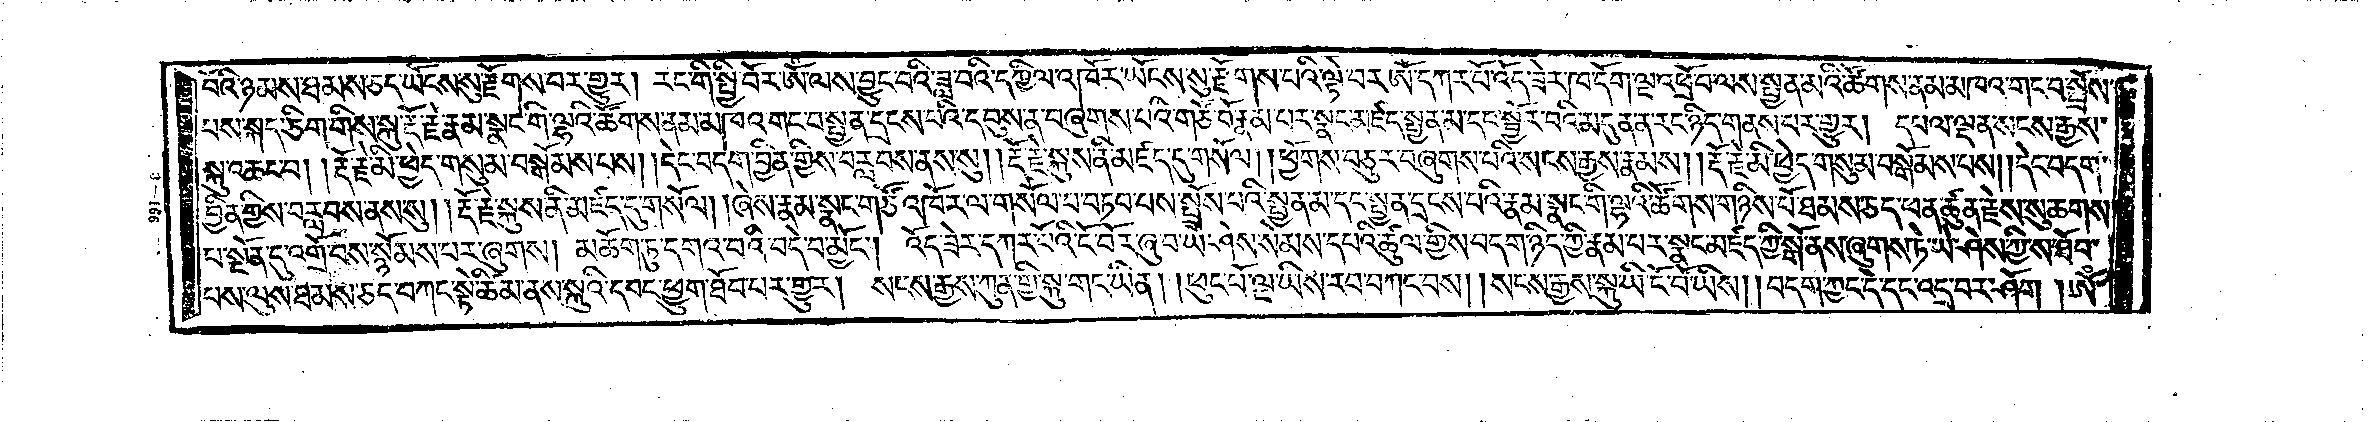བོའི་ཉམས་ཐམས་ཅད་ཡོང་སུ་རྫོགས་པར་གྱུར། རང་གི་སྤྱི་བོར་ཨོཾ་ལས་བྱུང་བའི་ཟླ་བའི་དཀྱིལ་འཁོར་ཡོངས་སུ་རྫོགས་པའི་ལྟེ་བར་ཨོཾ་དཀར་པོ་འོད་ཟེར་ཁ་དོག་ལྔ་འཕྲོ་བ་ལས་སྤྱན་མའི་ཚོགས་ནམ་མཁའི་གང་བ་སྤྲོས་
པས་སྐད་ཅིག་གིས་སྐུ་རྡོ་རྗེ་རྣམ་སྣང་གི་ལྷའི་ཚོགས་ནམ་མཁའ་གང་བ་སྤྱན་དྲངས་པའི་དབུས་ན་བཞུགས་པའི་གཙོ་བོ་རྣམ་པར་སྣང་མཛད་སྤྱན་མ་དང་སྦྱོར་བའི་མདུན་ན་རང་ཉིད་གནས་པར་གྱུར། དཔལ་ལྡན་སངས་རྒྱས་
སྐུ་འཆང་བ། །རྡོ་རྗེ་མི་ཕྱེད་གསུམ་བསྒོམས་པས། །དེང་བདག་བྱིན་གྱིས་བརླབས་ནས་སུ། །རྡོ་རྗེ་སྐུས་ནི་མཛད་དུ་གསོལ། །ཕྱོགས་བཅུར་བཞུགས་པའི་སངས་རྒྱས་རྣམས། །རྡོ་རྗེ་མི་ཕྱེད་གསུམ་བསྒོམས་པས། །དེང་བདག་
བྱིན་གྱིས་བརླབས་ནས་སུ། །རྡོ་རྗེ་སྐུས་ནི་མཛད་དུ་གསོལ། །ཞེས་རྣམ་སྣང་གཙོ་འཁོར་ལ་གསོལ་བ་བཏབ་པས་སྤྲོས་པའི་སྤྱན་མ་དང་སྤྱན་དྲངས་པའི་རྣམ་སྣང་གི་ལྷའི་ཚོགས་གཉིས་པོ་ཐམས་ཅད་ཕན་ཚུན་རྗེས་སུ་ཆགས་
པ་སྔོན་དུ་འགྲོ་བས་སྙོམས་པར་ཞུགས། མཆོག་ཏུ་དགའ་བའི་བདེ་བ་མྱོང་། འོད་ཟེར་དཀར་པོའི་ངོ་བོར་ཞུ་བ་ཡེ་ཤེས་སེམས་དཔའི་ཚུལ་གྱིས་བདག་ཉིད་ཀྱི་རྣམ་པར་སྣང་མཛད་ཀྱི་སྒོ་ནས་ཞུགས་ཏེ་ཡེ་ཤེས་ཀྱི་ས་ཐོབ་
པས་ལུས་ཐམས་ཅད་བཀང་སྟེ་ཚིམ་ནས་སྐུའི་དབང་ཕྱུག་ཐོབ་པར་གྱུར། སངས་རྒྱས་ཀུན་གྱི་སྐུ་གང་ཡིན། །ཕུང་པོ་ལྔ་ཡིས་རབ་བཀང་པས། །སངས་རྒྱས་སྐུ་ཡི་ངོ་བོ་ཡིས། །བདག་ཀྱང་དེ་དང་འདྲ་བར་ཤོག །ཨོཾ་